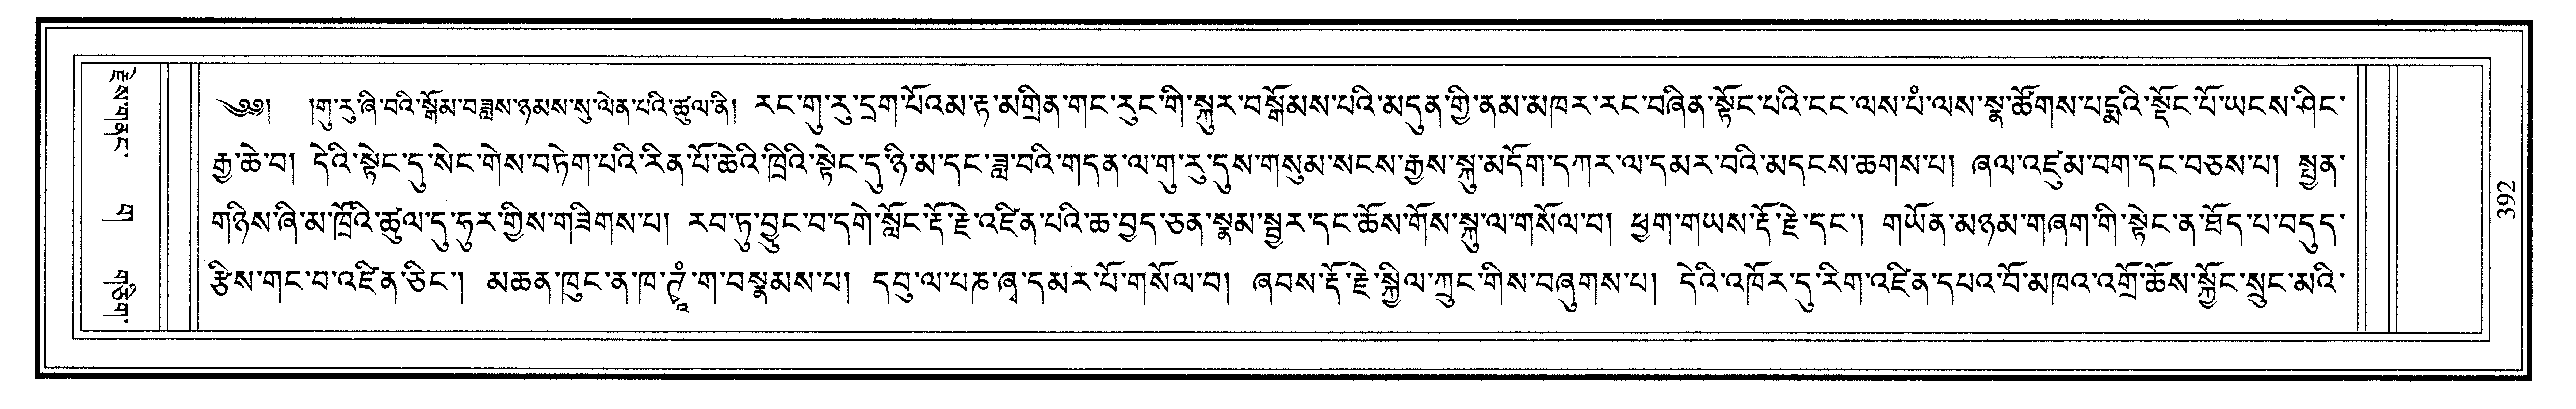༄༅། །གུ་རུ་ཞི་བའི་སྒོམ་བཟླས་ཉམས་སུ་ལེན་པའི་ཚུལ་ནི། རང་གུ་རུ་དྲག་པོའམ་རྟ་མགྲིན་གང་རུང་གི་སྐུར་བསྒོམས་པའི་མདུན་གྱི་ནམ་མཁར་རང་བཞིན་སྟོང་པའི་ངང་ལས་པཾ་ལས་སྣ་ཚོགས་པདམའི་སྡོང་པོ་ཡངས་ཤིང་
རྒྱ་ཆེ་བ། དེའི་སྟེང་དུ་སེང་གེས་བཏེག་པའི་རིན་པོ་ཆེའི་ཁྲིའི་སྟེང་དུ་ཉི་མ་དང་ཟླ་བའི་གདན་ལ་གུ་རུ་དུས་གསུམ་སངས་རྒྱས་སྐུ་མདོག་དཀར་ལ་དམར་བའི་མདངས་ཆགས་པ། ཞལ་འཛུམ་བག་དང་བཅས་པ། སྤྱན་
གཉིས་ཞི་མ་ཁྲོའི་ཚུལ་དུ་ཧུར་གྱིས་གཟིགས་པ། རབ་ཏུ་བྱུང་བ་དགེ་སློང་རྡོ་རྗེ་འཛིན་པའི་ཆ་བྱད་ཅན་སྣམ་སྦྱར་དང་ཆོས་གོས་སྐུ་ལ་གསོལ་བ། ཕྱག་གཡས་རྡོ་རྗེ་དང་། གཡོན་མཉམ་གཞག་གི་སྟེང་ན་ཐོད་པ་བདུད་
རྩིས་གང་བ་འཛིན་ཅིང་། མཆན་ཁུང་ན་ཁ་ཊྭཱཾ་ག་བསྣམས་པ། དབུ་ལ་པཎ་ཞྭ་དམར་པོ་གསོལ་བ། ཞབས་རྡོ་རྗེ་སྐྱིལ་ཀྲུང་གིས་བཞུགས་པ། དེའི་འཁོར་དུ་རིག་འཛིན་དཔའ་བོ་མཁའ་འགྲོ་ཆོས་སྐྱོང་སྲུང་མའི་